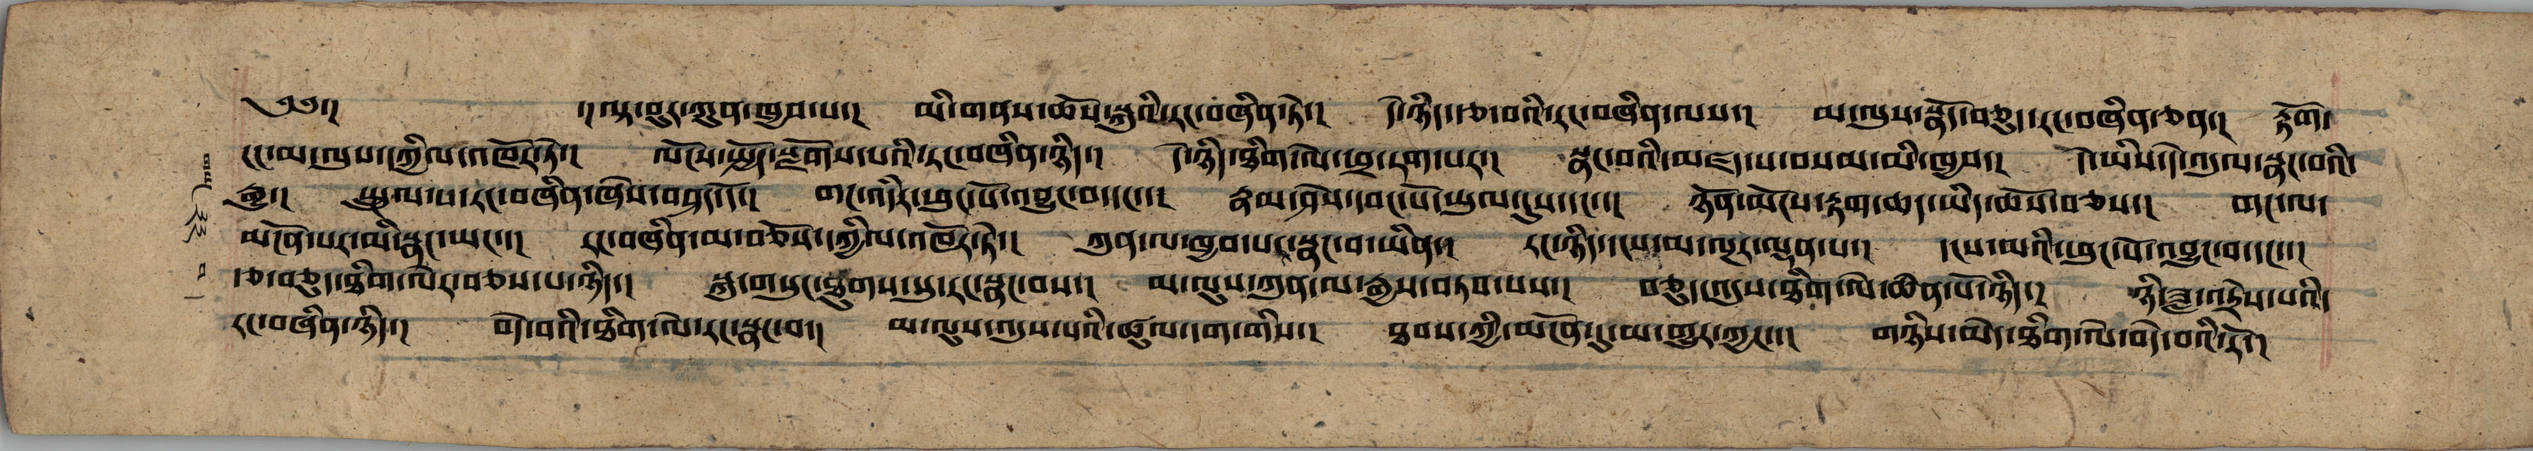༄༅་། ་།ལྟ་བུར་ཀུན་ཁྱབ་པ་། མི་གནས་ཆོས་སྐུའི་རང་བཞིན་ཏེ་། དེ་ཉིད་རྩ་བའི་རང་བཞིན་ལས་། མ་ལུས་སྣོད་བཅུད་རང་བཞིན་ཅན་། རྟོག་
ངང་མ་ལུས་དཀྱིལ་འཁོར་ཏེ་། ལོངས་སྤྱོད་སྫོགས་པའི་རང་བཞིན་ཉིད་། དེ་ཉིད་ཐིག་ལེ་ཕྲ་རག་པར་། སྣང་བའི་མཛད་པ་བསམ་མི་ཁྱབ་། དེ་ཡིས་དེ་འདུལ་སྣང་བའི་
རྒྱུ་། སྤྲུལ་པ་རང་བཞིན་ཞེས་བཤད་དོ་། གང་འདིར་ཕུང་པོ་འབྱུང་བ་དང་་། རྣམ་ཤེས་དབང་པོ་ཡུལ་དུས་དང་་། ཉོན་མོངས་རྟག་ཆད་ཡིད་ཆོས་བཅས་། གང་ལ་
མངོན་པར་མི་སྣང་ཡང་་། རང་བཞིན་མ་བཅོས་དཀྱིལ་འཁོར་ཏེ་། ཀུན་ལ་ཁྱབ་པར་སྣང་བ་ཡིན་། རང་ཉིད་དངས་མ་ལྔར་ལྡན་པ་། དངས་མའི་ཕུང་པོ་འབྱུང་བ་དང་་།
རྩ་བཅུད་ཐིག་ལེར་བཅས་པ་ཉིད་། སྐུ་གསུང་ཐུགས་སུ་རང་སྣང་བས་། མ་ལུས་ཀུན་ལ་རྒྱས་བཏབ་པས་། བཅུད་འདུས་ཐིག་ལེ་ཆེན་པོ་ཉིད་། ཉི་ཟླ་འདྲེས་པའི་
རང་བཞིན་ཉིད་། བདེ་བའི་ཐིག་ལེ་རང་སྣང་བ་། མ་ལུས་འདུས་པའི་ཚུལ་དག་གིས་། ཐབས་ཀྱི་མངོན་དུ་མ་གྱུར་ཀྱང་་། གཉིས་མེད་ཐིག་ལེ་བདེ་བའི་རོ་།